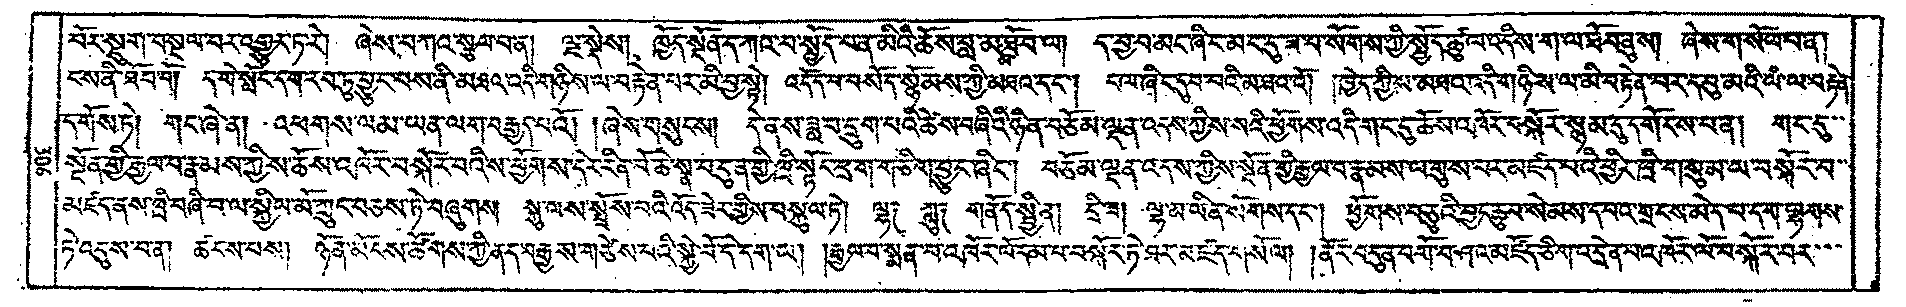པོར་སྡུག་བསྔལ་བར་འགྱུར་ཏ་རེ། ཞེས་བཀའ་སྩལ་བ་ན། ལྔ་སྡེས། ཁྱོད་སྔོན་དཀའ་བ་སྤྱོད་པ་ན་མིའི་ཆོས་བླ་མ་མ་ཐོབ་ལ། ད་བྱ་བ་མང་ཞིང་མང་དུ་ཟ་བ་སོགས་ཀྱི་སྤྱོད་ཚུལ་འདིས་ག་ལ་ཐོབ་ནུས། ཞེས་གསོལ་བ་ན།
ངས་ནི་ཐོབ་བོ། དགེ་སློང་དག་རབ་ཏུ་བྱུང་བས་ནི་མཐའ་འདི་གཉིས་ལ་བརྟེན་པར་མི་བྱ་སྟེ། འདོད་པ་བསོད་སྙོམས་ཀྱི་མཐའ་དང་། ངལ་ཞིང་དུབ་པའི་མཐའ་འོ། །ཁྱེད་ཀྱིས་མཐའ་འདི་གཉིས་ལ་མི་བརྟེན་པར་དབུ་མའི་ལཾ་ལ་བརྟེན་
དགོས་ཏེ། གང་ཞེ་ན། འཕགས་ལམ་ཡན་ལག་བརྒྱད་པའོ། །ཞེས་གསུངས། དེ་ནས་ཟླ་བ་དྲུག་པའི་ཚེས་བཞིའི་ཉིན་བཅོམ་ལྡན་འདས་ཀྱིས་སའི་ཕྱོགས་འདི་གང་དུ་ཆོས་འཁོར་བསྐོར་སྙམ་དུ་དགོངས་པ་ན། གང་དུ་
སྔོན་གྱི་རྒྱལ་བ་རྣམས་ཀྱིས་ཆོས་འཁོར་བསྐོར་བའི་ས་ཕྱོགས་དེར་རིན་པོ་ཆེ་སྣ་བདུན་གྱི་ཁྲི་སྟོང་ཕྲག་གཅིག་བྱུང་ཞིང་། བཅོམ་ལྡན་འདས་ཀྱིས་སྔོན་གྱི་རྒྱལ་བ་རྣམས་ལ་གུས་པར་མཛད་པའི་ཕྱིར་ཁྲི་གསུམ་ལ་བསྐོར་བ་
མཛད་ནས་ཁྲི་བཞི་པ་ལ་སྐྱིལ་མོ་ཀྲུང་བཅས་ཏེ་བཞུགས། སྐུ་ལས་སྤྲོས་པའི་འོད་ཟེར་གྱིས་བསྐུལ་ཏེ། ལྷ། ཀླུ། གནོད་སྦྱིན། དྲི་ཟ། ལྷ་མ་ཡིན་སོགས་དང་། ཕྱོགས་བཅུའི་བྱང་ཆུབ་སེམས་དཔའ་གྲངས་མེད་པ་དག་ལྷགས་
ཏེ་འདུས་པ་ན། ཚངས་པས། ཉོན་མོངས་ཚོགས་ཀྱི་ནད་བརྒྱས་གཙེས་པའི་སྐྱེ་བོ་དེ་དག་ལ། །རྒྱལ་བ་སྨན་པ་འཁོར་ལོ་དམ་པ་བསྐོར་ཏེ་ཐར་མཛད་གསོལ། །ནོར་བདུན་བགོ་བཤའ་མཛོད་ཅིག་འདྲེན་པ་འཁོར་ལོ་བསྐོར་བར་